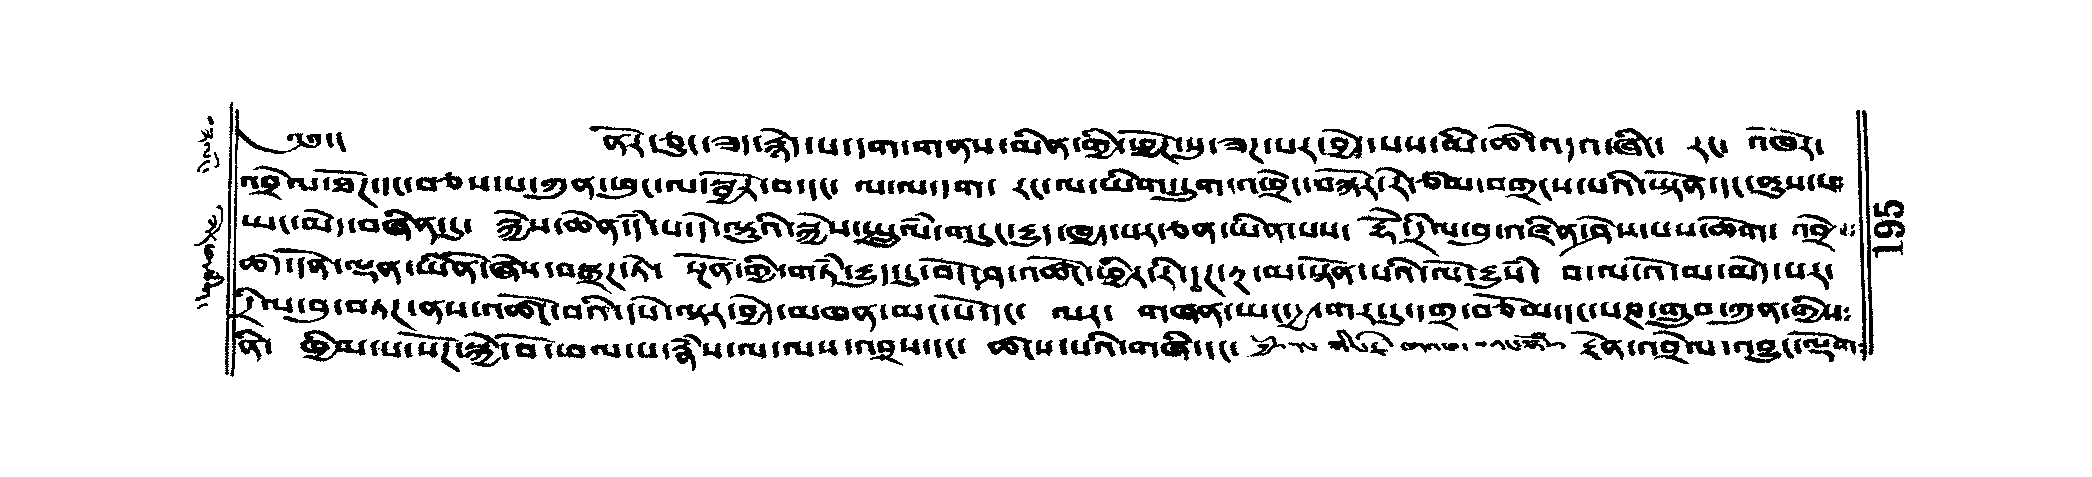ནོར་ཅུང་ཟད་རྙེད་པ་དག་གནས་མིན་གྱི་ཕྱོགས་སུ་ཟད་པར་བྱེད་པས་མི་ཚེ་འདའ་ཞིང་། རང་འཁོར་
འབྲེལ་ཐོགས་དང་བཅས་པ་ཀུན་ཕུང་ལ་སྦྱོར་བ་དང་། ལ་ལ་དག རང་ལ་ཡིག་དྲུག་འཕྲེང་བསྐོར་རེ་ཙམ་བགྲངས་པའི་ཡོན་ཏན་དང་ནུས་པ་
ཡ་མེད་བཞིན་དུ། སྐྱེས་ཆེན་དམ་པ་དེ་ལྟ་བུའི་སྐྱེ་སྤྲུལ་ལམ་གདུང་རྒྱུད་ཁྱད་པར་ཅན་ཡིན་པས། རྡོ་རྗེ་དྲིལ་བུ་འཛིན་ཤེས་པས་ཆོག འབྲེལ་
ཚད་དོན་ལྡན་ཡིན་ནོ་ཞེས་བསྒྲགས་ཏེ། སྔོན་གྱི་གཏམ་རྒྱུད་དུ་བོང་ཤ་འཚོང་ཕྱིར་རི་དྭགས་ཀྱི་རྔ་མ་སྟོན་པའི་ལོ་རྒྱུས་སམ། བ་ལ་འོ་མ་མེད་པར་
དྲིལ་བུ་བཏགས་ནས་འཚོང་བའི་དཔེ་ལྟར་བྱེད་མཁན་མང་པོ་དང་། ལར་གཞན་ཡང་རྒྱ་གར་དུ་དགྲ་བཅོམ་དང་པཎ་གྲུབ་ཀུན་གྱིས་
ནི། ཁྱིམ་པ་སོགས་སྐྱེ་བོ་ཕལ་བ་རྣམས་ལ་ལས་འབྲས་དང་། ཚངས་པའི་གནས་པ་བཞི་དང་རྟེན་འབྲེལ་འབྱུང་ལྡོག་